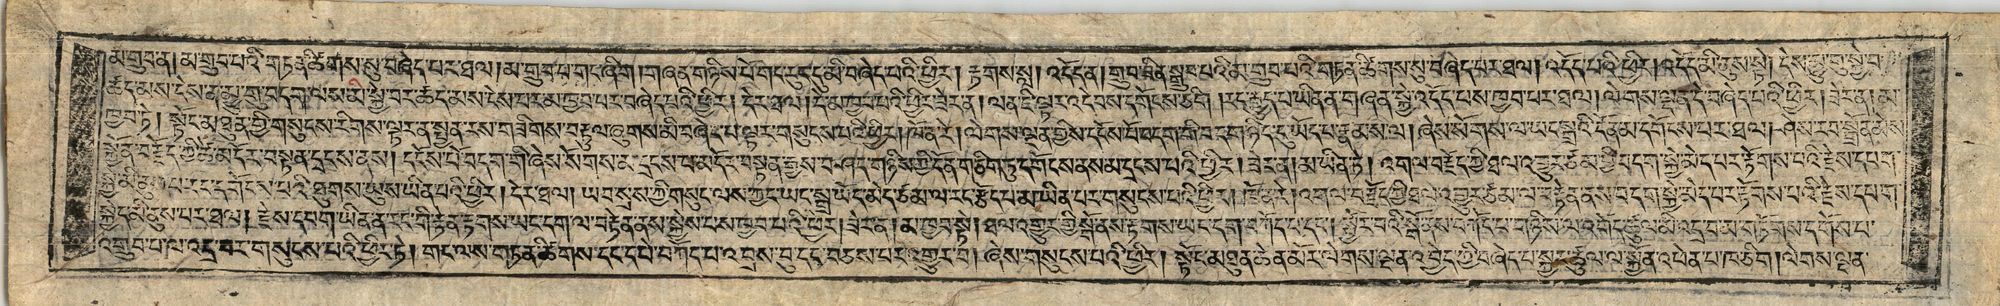མ་གྲུབ་ན། མ་གྲུབ་པའི་གཏན་ཚིགས་སུ་བཞེད་པར་ཐལ། མ་གྲུབ་པ་གང་ཞིག །གཞན་གཉིས་པོ་གང་རུང་དུ་མི་བཞེད་པའི་ཕྱིར། རྟགས་སླ། འདོད་ན། གྲུབ་ཟིན་སྒྲུབ་པའི་མ་གྲུབ་པའི་གཏན་ཚིགས་སུ་བཞེད་པར་ཐལ། འདོད་པའི་ཕྱིར། འདོད་མི་ནུས་སྟེ། དེས་མྱུ་གུ་སྐྱེ་བ་
ཚད་མས་ངེས་ན་མྱུ་གུ་བདག་ལས་མི་སྐྱེ་བར་ཚད་མས་ངེས་པར་མ་ཁྱབ་པར་བཞེད་པའི་ཕྱིར། དེར་ཐལ། དེ་མ་ཁྱབ་པའི་ཕྱིར་ཟེར་ན། ལན་ཇི་ལྟར་འདེབས་དགོངས་ཅིག །རང་རྒྱུད་པ་ཡིན་ན་གཞན་སྐྱེ་འདོད་པས་ཁྱབ་པར་ཐལ། ལེགས་ལྡན་དེ་བཞེད་པའི་ཕྱིར། ཟེར་ན། མ་
ཁྱབ་ཏེ། སྟོང་མཐུན་གྱི་གསུངས་རིགས་ལྟར་ན་སྤྱན་རས་གཟིགས་བརྟུལ་ཞུགས་མི་བཞེད་པ་ལྟར་གསུངས་པའི་ཕྱིར། ཁོ་ན་རེ། ལེགས་ལྡན་གྱིས་དངོས་པོ་བདག་གི་བདག་ཉིད་དུ་ཡོད་པ་རྣམས་ལ། ཞེས་སོགས་ལ་ཡང་སྒྲའི་དོན་མ་དགོངས་པར་ཐལ། ཤེས་རབ་སྒྲོན་མེས་
སྐྱོན་བརྗོད་ཀྱི་ཚེ་མདོར་བསྟན་དྲངས་ནས། དངོས་པོ་བདག་གི་ཞེས་སོགས་མ་དྲངས་པ་མདོར་བསྟན་རྒྱས་བཤད་གཉིས་ཀྱི་དོན་གཅིག་ཏུ་དགོངས་ནས་མ་དྲངས་པའི་ཕྱིར། ཟེར་ན། མ་ཡིན་ཏེ། འགལ་བརྗོད་ཀྱི་ཐལ་འགྱུར་ཙམ་གྱི་བདག་སྐྱེ་མེད་པར་རྟོགས་པའི་རྗེས་དཔག་
སྐྱེ་མི་ནུས་པ་རང་དགོངས་པའི་ཐུགས་ཡུསྱིན་པའི་ཕྱིར། དེར་ཐལ། ཡབ་སྲས་ཀྱི་གསུང་ལས་ཀྱང་ཡང་སྒྲ་ཡོད་མེད་ཙམ་ལ་རང་རྩོད་པ་མ་ཡིན་པར་གསུངས་པའི་ཕྱིར། ཁོ་ན་རེ། འགལ་བརྗོད་ཀྱི་ཐལ་འགྱུར་ཙམ་ལ་བརྟེན་ནས་བདག་སྐྱེ་མེད་པར་རྟོགས་པའི་རྗེས་དཔག་
སྐྱེད་མི་ནུས་པར་ཐལ། རྗེས་དཔག་ཡིན་ན་རང་གི་རྟེན་རྟགས་ཡང་དག་ལ་བརྟེན་ནས་སྐྱེས་པས་ཁྱབ་པའི་ཕྱིར། ཟེར་ན། མ་ཁྱབ་སྟེ། ཐལ་འགྱུར་གྱི་སྒོ་ནས་རྟགས་ཡང་དག་བཀོད་པ་དང་། སྦྱོར་བའི་སྒོ་ནས་བཀོད་པ་གཉིས་ལ་འགོད་ཚུལ་མི་འདྲ་བ་མ་གཏོགས་དགོས་པ་
འགྲུབ་པ་ལ་འདྲ་བར་གསུངས་པའི་ཕྱིར་ཏེ། གང་ལས་གཏན་ཚིགས་དང་དཔེ་བཀོད་པ་འབྲས་བུ་དང་བཅས་པར་འགྱུར་བ། ཞེས་གསུངས་པའི་ཕྱིར། སྟོང་མཐུན་ཆེན་མོར་ལེགས་ལྡན་འབྱེད་ཀྱི་བཞེད་པ་སྐྱརྪུལ་ལ་སྐྱོན་འཕེན་པ་ཁ་ཅིག ། ལེགས་ལྡན་